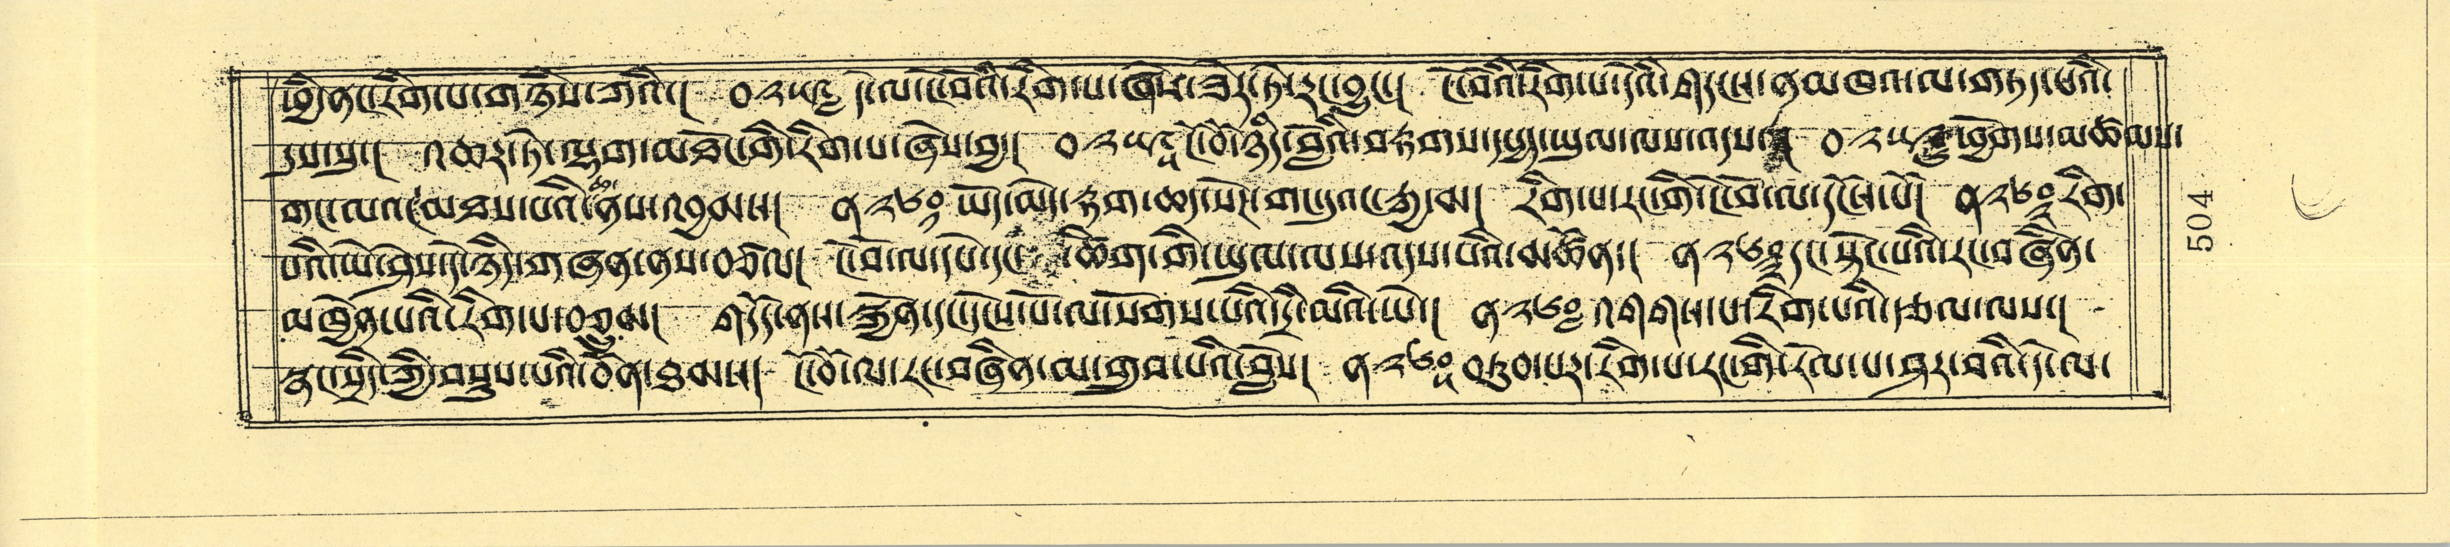ཕྱི་ནང་རིག་པ་གཉིས་ཀའི་བ༢༥༩།༤དེ་ལ་ངོ་བོའི་རིག་ཞེས་ཟེར་ཏེ་༼རང་བྱུང༽ངོ་བོའི་རིག་པ་དེའི་ ༼གདངས༽ནམ་མཁའ་ལ་གཏད་པའི་
དུས་སུ་༼འཆར་ཏེ༽ལྷག་མཐོང་གི་རིག་པ་ཞེས་བྱ་བ༢༥༩།༥༼ངོ་བོ་ཉིད༽བློའི་བརྟག་དཔྱད་ཡུལ་ལས་འདས་བ༢༥༩།༦ཕྱོགས་མཚམས་
གང་ལའང་འཐས་པའི་ཆ་ནས་༼འབྱམས༽ན༢༦༠།༡ཡོད་མེད་རྟག་ཆད་སོགས་གང་དུའང་༼རྒྱ་མ༽རིག་པ་རང་གི་ངོ་བོ་ལ་༼དངོས་པོ༽ན༢༦༠།༢རིག་
པའི་ཡེ་ཤེས་དེ་ཉིད་གཞན་ནས་༼བཙལ༽ངོ་བོ་ལ་དཔེ་དང་ཚིག་གི་ཡུལ་ལས་འདས་པའི་༼མཚོན༽ན༢༦༠།༣༼དང༽སྟོང་པའི་རང་བཞིན་
མཁྱེན་པའི་རིག་པ་༼བཅུམ༽༼གདོད་ནས༽སྐྱོན་དང་དངོས་པོ་ལ་སོགས་པའི་དྲི་མའི་ཡེ་ན༢༦༠།༤༼འགག་པ༽རིག་པའི་རྩལ་ལས་
སྣང་སྲིད་ཀྱིས་བསྡུས་པའི་༼བོན་ཐམས༽༼ངོ་བོ་ལ༽རང་བཞིན་མ་གྲུབ་པའི་བློས་ན༢༦༠།༥༼བཏུབ་པར༽རིག་པ་རང་གི་རོལ་པར་ཤར་བའི་དེ་ལ་